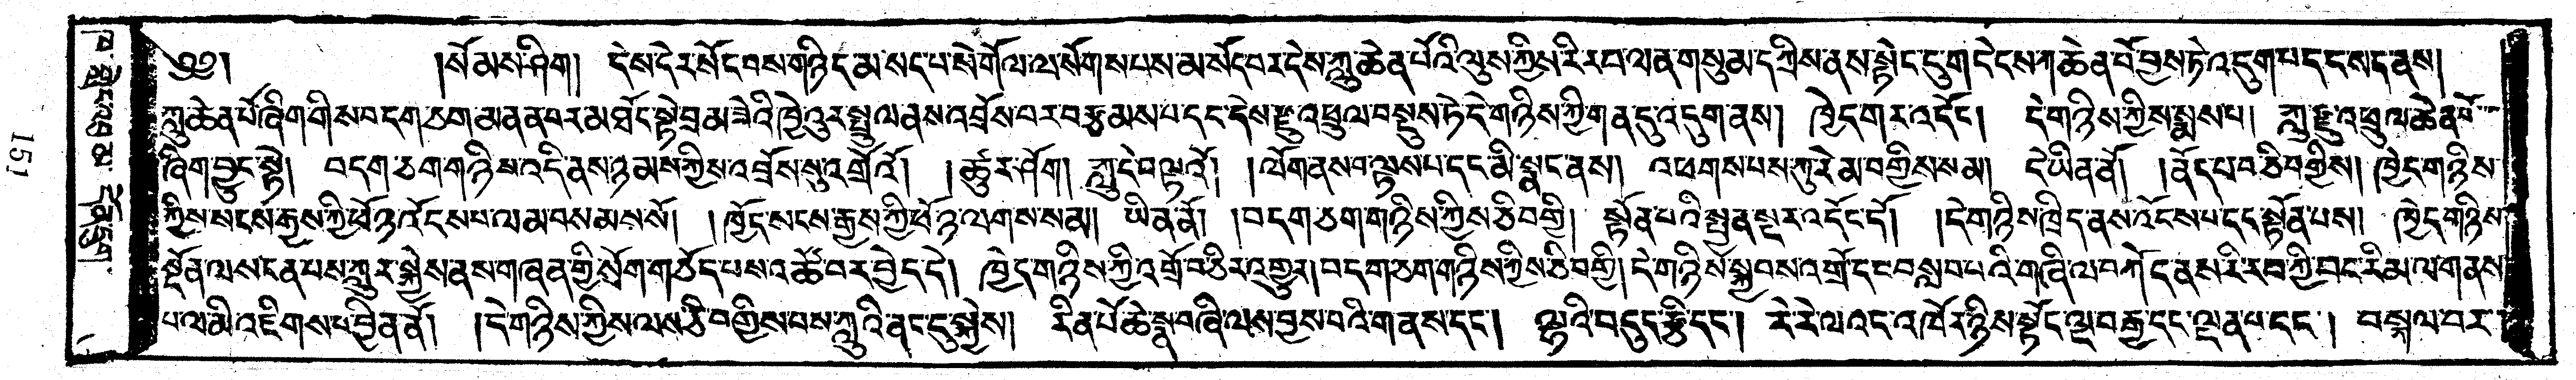༄༅། །སོམས་ཤིག། དེས་དེར་སོང་བས་གཉིད་མ་སད་པ་སེ་གོལ་ལ་སོགས་པས་མ་སོད་བར་དེས་ཀླུ་ཆེན་པོའི་ལུས་ཀྱིས་རི་རབ་ལན་གསུམ་དཀྲིས་ནས་སྟེང་དུ་གདེངས་ཀ་ཆེན་པོ་བྱས་ཏེ་འདུག་པ་དང་སད་ནས།
ཀླུ་ཆེན་པོ་ཞིག་གིས་བདག་ཅག་མནན་བར་མཐོང་སྟེ་བྲམ་ཟེའི་ཁྱེ་འུར་སྤྲུལ་ནས་འབྲོས་བར་བརྩམས་པ་དང་དེས་རྫུ་འཕྲུལ་བསྡུས་ཏེ་དེ་གཉིས་ཀྱི་གན་དུ་འདུག་ནས། ཁྱེད་གར་འདོང་། དེ་གཉིས་ཀྱིས་སྨས་པ། ཀླུ་རྫུ་འཕྲུལ་ཆེན་བོ་
ཞིག་བྱུང་སྟེ། བདག་ཅག་གཉིས་འདི་ནས་ཉམས་ཀྱིས་འབྲོས་སུ་འགྲོའོ། །ཚུར་ཤོག། ཀླུ་དེ་བལྟའོ། །ལོག་ནས་བ་ལྟས་པ་དང་མི་སྣང་ནས། འཕགས་པས་ཀུ་རེམ་བགྱིས་སམ། དེ་ཡིན་ནོ། །ནོད་པ་བ་ཅི་བགྱིས། ཁྱེད་གཉིས་
ཀྱིས་སངས་རྒྱས་ཀྱི་ཕོ་ཉ་འོངས་པ་ལམ་བསམས་སོ། །ཁྱོད་སངས་རྒྱས་ཀྱི་ཕོ་ཉ་ལགས་སམ། ཡིན་ནོ། །བདག་ཅག་གཉིས་ཀྱིས་ཅི་བགྱི། སྟོན་པའི་སྤྱན་སྔར་འདོང་དོ། །དེ་གཉིས་ཁྲིད་ནས་འོངས་པ་དང་སྟོན་པས། ཁྱེད་གཉིས་
སྔོན་ལས་ངན་པས་ཀླུར་སྐྱེས་ནས་གཞན་གྱི་སྲོག་གཅོད་པས་འཚོ་བར་བྱེད་དེ། ཁྱེད་གཉིས་ཀྱི་འགྲོ་བ་ཅིར་འགྱུར། བདག་ཅག་གཉིས་ཀྱིས་ཅི་བགྱི། དེ་གཉིས་སྐྱབས་འགྲོ་དང་བསླབ་པའི་གཞི་ལ་བཀོད་ནས་རི་རབ་ཀྱི་བང་རིམ་ལ་གནས་
པ་ལ་མི་འཇིགས་པ་བྱིན་ནོ། །དེ་གཉིས་ཀྱིས་ལས་ཅི་བགྱིས་པས་ཀླུའི་ནང་དུ་སྐྱེས། རིན་པོ་ཆེ་སྣ་བཞི་ལས་བྱས་བའི་གནས་དང་། ལྷའི་བདུད་རྩི་དང་། རེ་རེ་ལའང་འཁོར་ཉིས་སྟོང་ལྔ་བརྒྱ་དང་ལྡན་པ་དང་། བསྐལ་བར་